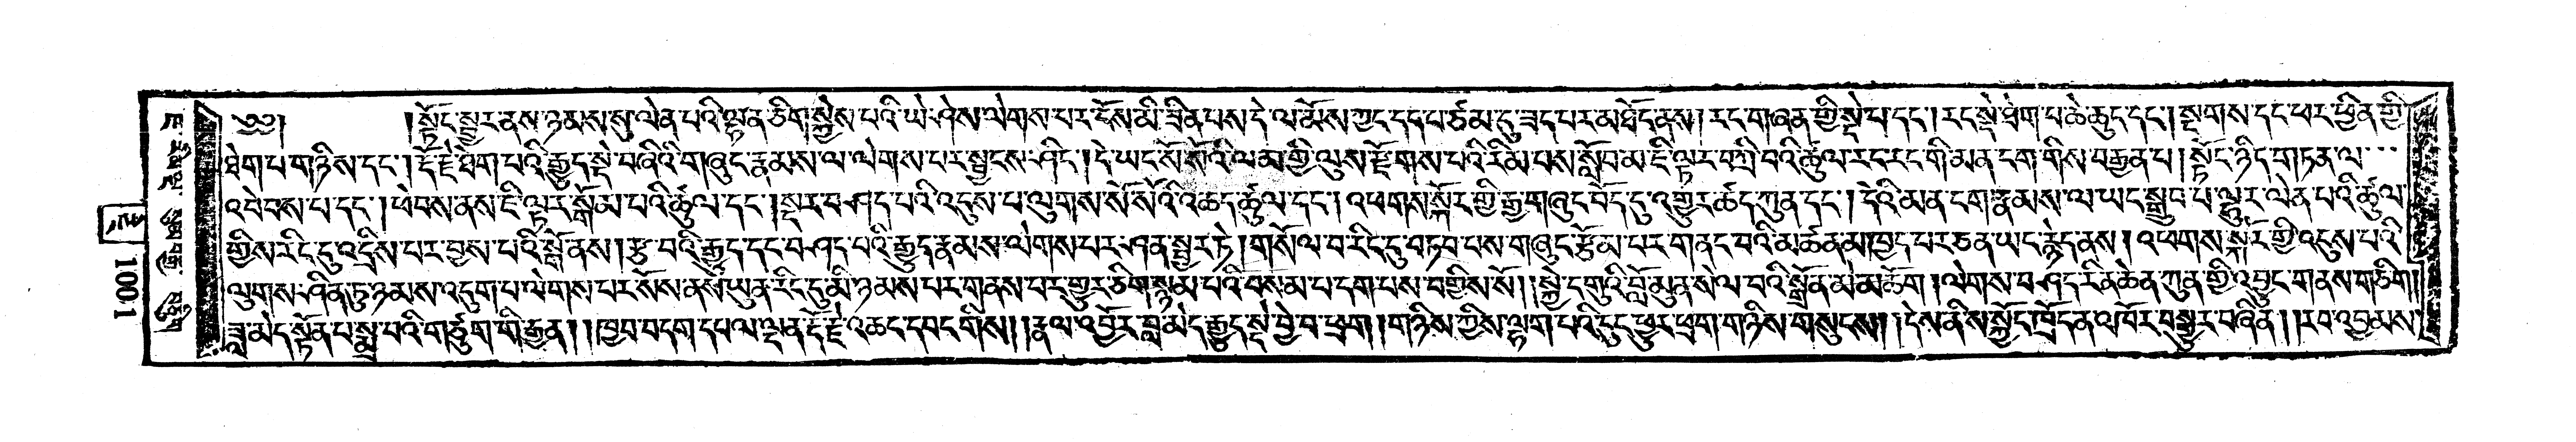༄༅། །སྟོང་སྦྱར་ནས་ཉམས་སུ་ལེན་པའི་ལྷན་ཅིག་སྐྱེས་པའི་ཡེ་ཤེས་ལེགས་པར་ངོས་མི་ཟིན་པས་དེ་ལ་མོས་ཀྱང་དད་པ་ཙམ་དུ་ཟད་པར་མཐོང་ནས། རང་གཞན་གྱི་སྡེ་པ་དང་། རང་སྡེ་ཐེག་པ་ཆེ་ཆུང་དང་། སྔགས་དང་ཕར་ཕྱིན་གྱི་
ཐེག་པ་གཉིས་དང་། རྡོ་རྗེ་ཐེག་པའི་རྒྱུད་སྡེ་བཞིའི་གཞུང་རྣམས་ལ་ལེགས་པར་སྦྱངས་ཤིང་། དེ་ཡང་སོ་སོའི་ལམ་གྱི་ལུས་རྫོགས་པའི་རིམ་པས་སློབ་མ་ཇི་ལྟར་བཀྲི་བའི་ཚུལ་རང་རང་གི་མན་ངག་གིས་བརྒྱན་པ། སྟོང་ཉིད་གཏན་ལ་
འབེབས་པ་དང་། ཕེབས་ནས་ཇི་ལྟར་སྒོམ་པའི་ཚུལ་དང་། སྔར་བཤད་པའི་འདུས་པ་ལུགས་སོ་སོའི་འཆད་ཚུལ་དང་། འཕགས་སྐར་གྱི་རྒྱ་གཞུང་བོད་དུ་འགྱུར་ཚད་ཀུན་དང་། དེའི་མན་ངག་རྣམས་ལ་ཡང་སྒྲུབ་པ་ལྷུར་ལེན་པའི་ཚུལ་
གྱིས་རིང་དུ་འདྲིས་པར་བྱས་པའི་སྒོ་ནས། རྩ་བའི་རྒྱུད་དང་བཤད་པའི་རྒྱུད་རྣམས་ལེགས་པར་ཤན་སྦྱར་ཏེ། གསོལ་བ་རིང་དུ་བཏབ་པས་གཞུང་རྩོམ་པར་གནང་བའི་མཚན་མ་ཁྱད་པར་ཅན་ཡང་རྙེད་ནས། འཕགས་སྒོར་གྱི་འདུས་པའི་
ལུགས་ཤིན་ཏུ་ཉམས་འདུག་པ་ལེགས་པར་སོས་ནས་ཡུན་རིང་དུ་མི་ཉམས་པར་གནས་པར་གྱུར་ཅིག་སྙམ་པའི་བསམ་པ་དག་པས་བགྱིས་སོ། །སྐྱེ་དགུའི་བློ་མུན་སེལ་བའི་སྒྲོན་མེ་མཆོག །ལེགས་བཤད་རིན་ཆེན་ཀུན་གྱི་འབྱུང་གནས་གཅིག །
ཟླ་མེད་སྟོན་པ་སྨྲ་བའི་གཙུག་གི་རྒྱན། །ཁྱབ་བདག་དཔལ་ལྡན་རྡོ་རྗེ་འཆང་དབང་གིས། །རྣལ་འབྱོར་བླ་མེད་རྒྱུད་སྡེ་བྱེ་བ་ཕྲག །གཉིས་ཀྱིས་ལྷག་པའི་དུང་ཕྱུར་ཕྲག་གཉིས་གསུངས། དེས་ནི་ས་སྐྱོང་ཁྲོད་ན་འཁོར་བསྒྱུར་བཞིན། །རབ་བྱམས་